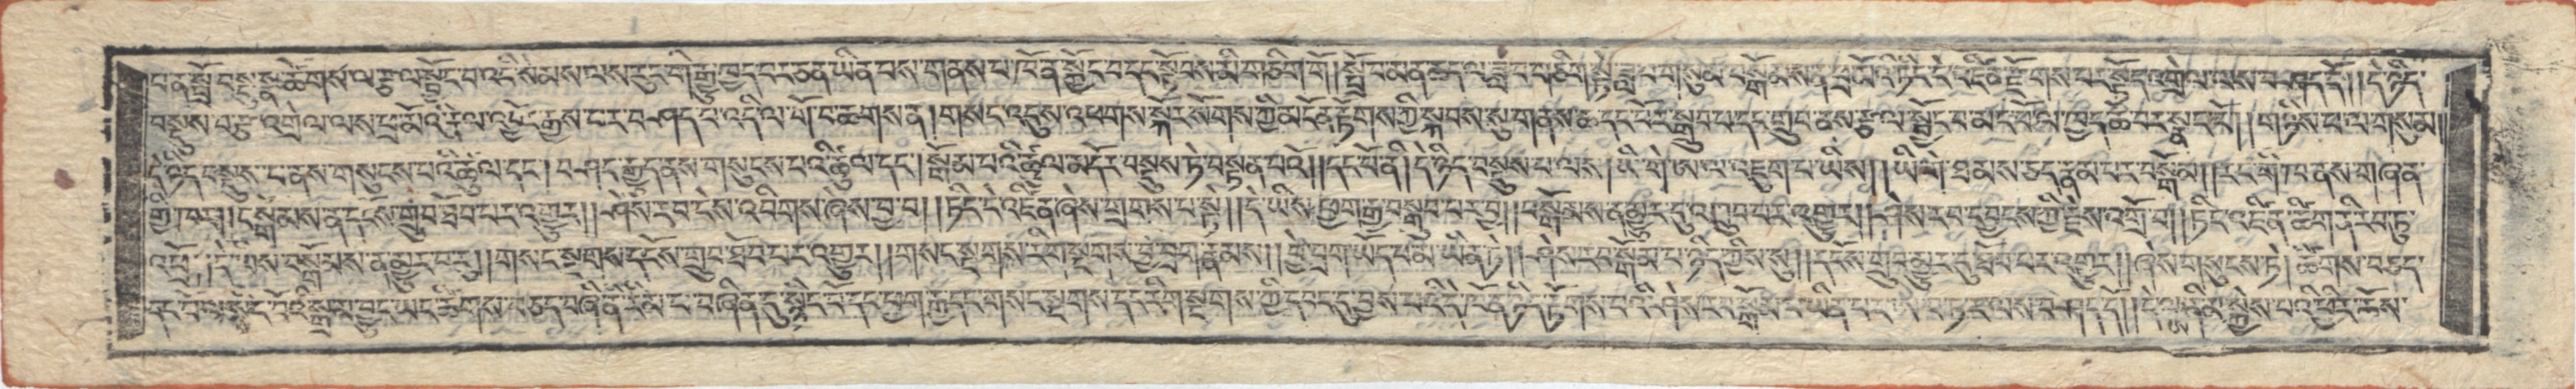པ་ན་སྤྲོ་བསྡུ་སྣ་ཚོགས་ལ་རྩལ་སྦྱོང་བ་འདི་སེམས་ལས་རུང་གི་རྒྱུ་ཁྱད་པར་ཅན་ཡིན་པས་གནས་པ་ཁོ་ན་སྐྱོང་བ་དང་སྟོབས་མི་གཅིག་གོ །སྤྲོ་བ་མན་ཆད་ལ་ཟླ་བ་གཅིག་སྟེ་ཟླ་བ་གསུམ་བསྒོམས་ན་ཕྲ་མོའི་ཏིང་ངེ་འཛིན་རྫོགས་པར་སྟོད་འགྲེལ་ལས་བཤད་དོ། །དེ་ཉིད་
བསྡུས་བ་རྩ་འགྲེལ་ལས་ཕྲ་མོའི་རྣལ་འབྱོར་རྒྱས་པར་བཤད་པ་འདི་ལ་གོ་བ་ཆགས་ན། གསང་འདུས་འཕགས་སྐོར་སོགས་ཀྱི་མངོན་རྟོགས་ཀྱི་སྐབས་སུ་གནས་ཆ་དང་པོར་སྒྲུབ་པ་དང་གྲུབ་ནས་རྩལ་སྦྱོང་བ་མང་པོ་ལ་ཁྱད་ཆེ་བར་སྣང་ངོ། །གཉིས་པ་ལ་གསུམ་
དེ་ཉིད་བསྡུས་པ་ནས་གསུངས་པའི་ཚུལ་དང་། བཤད་རྒྱུད་ནས་གསུངས་པའི་ཚུལ་དང་། སྒོམ་པའི་ཚུལ་མདོར་བསྡུས་ཏེ་བསྟན་པའོ། །དང་པོ་ནི། དེ་ཉིད་བསྡུས་པ་ལས། ཡི་གེ་ཨ་ལ་འཇུག་པ་ཡིས། །ཡི་གེ་ཐམས་ཅད་རྣམ་པར་བསྒོམ། །རང་གི་ཁ་ནས་གཞན་
གྱི་ཁར། །བསྒོམས་ན་དངོས་གྲུབ་ཐོབ་པར་འགྱུར། །ཤེས་རབ་ངེས་འབིགས་ཞེས་བྱ་བ། །ཏིང་ངེ་འཛིན་ཞེས་གྲགས་པ་སྟེ། །དེ་ཡིས་ཕྱག་རྒྱ་བསྒྲུབ་པར་བྱ། །བསྒོམས་ན་མྱུར་དུ་འགྲུབ་པར་འགྱུར། །ཤེས་རབ་དབྱངས་ཀྱི་རྗེས་འགྲོ་བ། །ཏིང་འཛིན་ཚིག་ནི་རབ་ཏུ་
འཕྲོ། །དེ་ཡིས་བསྒོམས་ན་མྱུར་བ་རུ། །གསང་སྔགས་དངོས་གྲུབ་ཐོབ་པར་འགྱུར། །གསང་སྔགས་རིག་སྔགས་བྱེ་བྲག་རྣམས། །བྱེ་བྲག་ཡོད་པ་མ་ཡིན་ཏེ། །ཤེས་རབ་སྒོམ་པ་ཉིད་ཀྱིས་སུ། །དངོས་གྲུབ་མྱུར་དུ་ཐོབ་པར་འགྱུར། །ཞེས་གསུངས་ཏེ། ཚིགས་བཅད་
དང་པོ་ལ་སྙིང་པོའི་སྒྲ་མ་བྱུང་ཡང་ཚིགས་བཅད་བཞི་ནི་རིམ་པ་བཞིན་དུ་སྙིང་པོ་དང་ཕྱག་རྒྱ་དང་གསང་སྔགས་དང་རིག་སྔགས་ཀྱི་དབང་དུ་བྱས་པའི་དེ་ཁོ་ན་ཉིད་རྟོགས་པའི་ཤེས་རབ་སྒོམ་པ་ཡིན་པར་ཨ་བ་ཏ་ར་ལས་བཤད་དོ། །དེ་ལ་ཨ་ནི་མ་སྐྱེས་པའི་ཕྱིར་ཆོས་